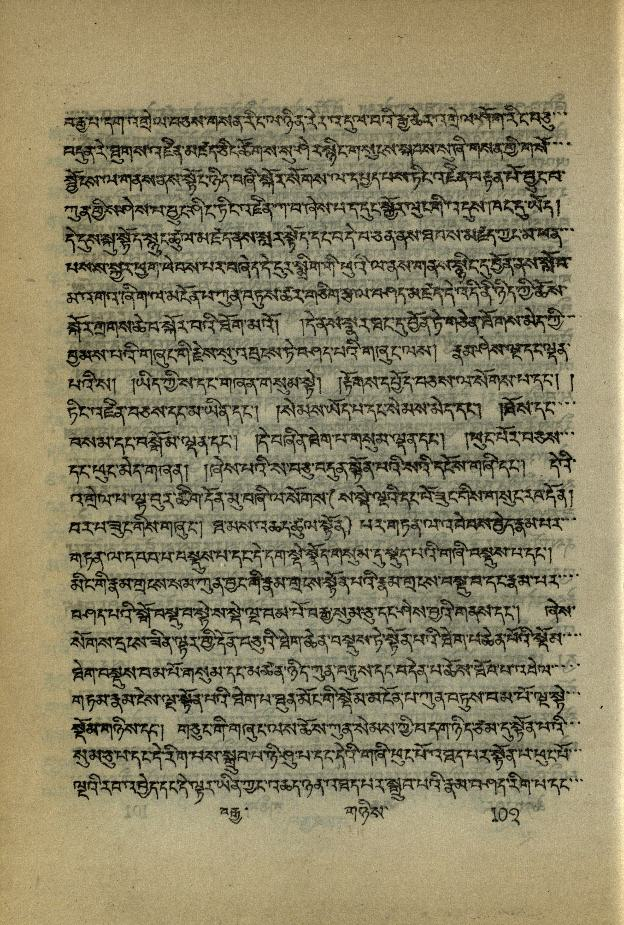བརྒྱ་པ་དག་འགྲེལ་བཅས་གསན་རིང་ལ་ཉིན་རེར་འདུལ་བའི་རྒྱ་ཆེར་འགྲེལ་ཤོག་རིང་བཅུ་
བདུན་རེ་ཐུགས་འཛིན་མཛད་ཅིང་ཚོགས་སུ་ཤེར་སྙིང་གསུངས་སྐབས་སུ་ཞི་གསན་གྱི་གསོ་
སྦྱོངས་ལ་གནས་ནས་སྟོང་ཉིད་བཞི་སྐོར་སོགས་ལ་དཔྱད་པས་ཏིང་འཛིན་བརྟན་པོ་བྱུང་བ་
ཀུན་གྱིས་ཤེས་པ་བྱུང་ཤིང་ཏིང་འཛིན་ཀ་བ་ཞེས་པ་ད་དུང་སྐྱོར་ལུང་གི་འདུས་ཁང་དུ་ཡོད།
དེ་དུས་སྐུ་སྟོད་སྙུང་ཚུལ་མཛད་ནས་སླར་སྟོད་དང་བདེ་བ་ཅན་ནས་ཐབས་མཛད་ཀྱང་མ་ཕན་
པས་ས་སྐྱར་ཕྱག་ཕེབས་པར་བཞེད་དེ་དུར་སྨྲིག་གི་ཕུའི་ལ་ནས་གནས་སྙིང་དུ་བྱོན་ནས་སློབ་
མ་འགའ་ཞིག་ལ་མངོན་པ་ཀུན་བཏུས་ཚར་གཅིག་རྩལ་བཤད་མཛད་དེ་འདི་ནི་ཉིད་ཀྱི་ཆོས་
སྐོར་གྲགས་ཆེ་བ་སྐོར་བའི་ཐོག་མའོ། །དེ་ནས་སྣར་ཐང་དུ་བྱོན་ཏེ་གཅེན་ཐོགས་མེད་ཀྱི་
བྱམས་པའི་གཞུང་གི་རྗེས་སུ་འབྲངས་ཏེ་བཤད་པའི་གཞུང་ལས། རྣམ་ཤེས་ལྔ་དང་ལྡན་
པའི་ས། །ཡིད་ཀྱིས་དང་གཞན་གསུམ་སྟེ། །རྟོགས་དཔྱོད་བཅས་ལ་སོགས་པ་དང་། །
ཏིང་འཛིན་བཅས་དང་མ་ཡིན་དང་། །སེམས་ཡོད་པ་དང་སེམས་མེད་དང་། །ཐོས་དང་
བསམ་དང་བསྒོམ་ལྡན་དང་། །དེ་བཞིན་ཐེག་པ་གསུམ་ལྡན་དང་། །ཕུང་པོར་བཅས་
དང་ཕུང་མེད་གཞན། །ཞེས་པའི་ས་བཅུ་བདུན་སྟོན་པའི་སའི་དངོས་གཞི་དང་། དེའི་
འགྲེལ་པ་ལྟ་བུར་ཚིག་དོན་མུ་བཞི་ལ་སོགས་ས་སྡེ་ལྔའི་དང་པོ་ཟུང་གིས་གསུང་རབ་དོན།
བར་པ་ཟུང་གིས་གཞུང་། ཐ་མས་འཆད་ཚུལ་སྟོན་པར་གཏན་ལ་འབེབས་བྱེད་རྣམ་པར་
གཏན་ལ་དབབ་པ་བསྡུས་པ་དང་དེ་དག་སྡེ་སྣོད་གསུམ་དུ་སྡུད་པའི་གཞི་བསྡུས་པ་དང་།
མིང་གི་རྣམ་གྲངས་སམ་ཀུན་བྱང་གི་རྣམ་གྲངས་སྟོན་པའི་རྣམ་གྲངས་བསྡུ་བ་དང་རྣམ་པར་
བཤད་པའི་སྒོ་བསྡུ་བ་སྟེ་ས་སྡེ་ལྔ་བམ་པོ་བརྒྱ་སུམ་ཅུ་དང་ཤེས་བྱའི་གནས་དང་། ཞེས་
སོགས་དྲངས་ཟིན་ལྟར་གྱི་དོན་བཅུའི་ཐེག་ཆེན་བསྡུས་ཏེ་སྟོན་པའི་ཐེག་པ་ཆེན་པོའི་སྡོམ་
ཐེག་བསྡུས་བམ་པོ་གསུམ་དང་མཚན་ཉིད་ཀུན་བཏུས་དང་བདེན་པ་ཆོས་ཐོབ་པ་འབྲེལ་
གཏམ་རྣམ་ངེས་ལྔ་སྟོན་པའི་ཐེག་པ་ཐུན་མོང་གི་སྡོམ་མངོན་པ་ཀུན་བཏུས་བམ་པོ་ལྔ་སྟེ་
སྡོམ་གཉིས་དང་། གཅུང་གི་གཞུང་ལས་ཆོས་ཀུན་སེམས་ཀྱི་བདག་ཉིད་ཙམ་དུ་སྟོན་པའི་
སུམ་ཅུ་པ་དང་དེ་རིག་པས་སྒྲུབ་པ་ཉི་ཤུ་པ་དང་དེའི་གཞི་ཕུང་པོ་འཐད་པར་སྟོན་པ་ཕུང་པོ་
ལྔའི་རབ་འབྱེད་དང་དེ་ལྟར་ཡིན་ཀྱང་འཆད་ཉན་འཐད་པར་སྒྲུབ་པའི་རྣམ་བཤད་རིག་པ་དང་